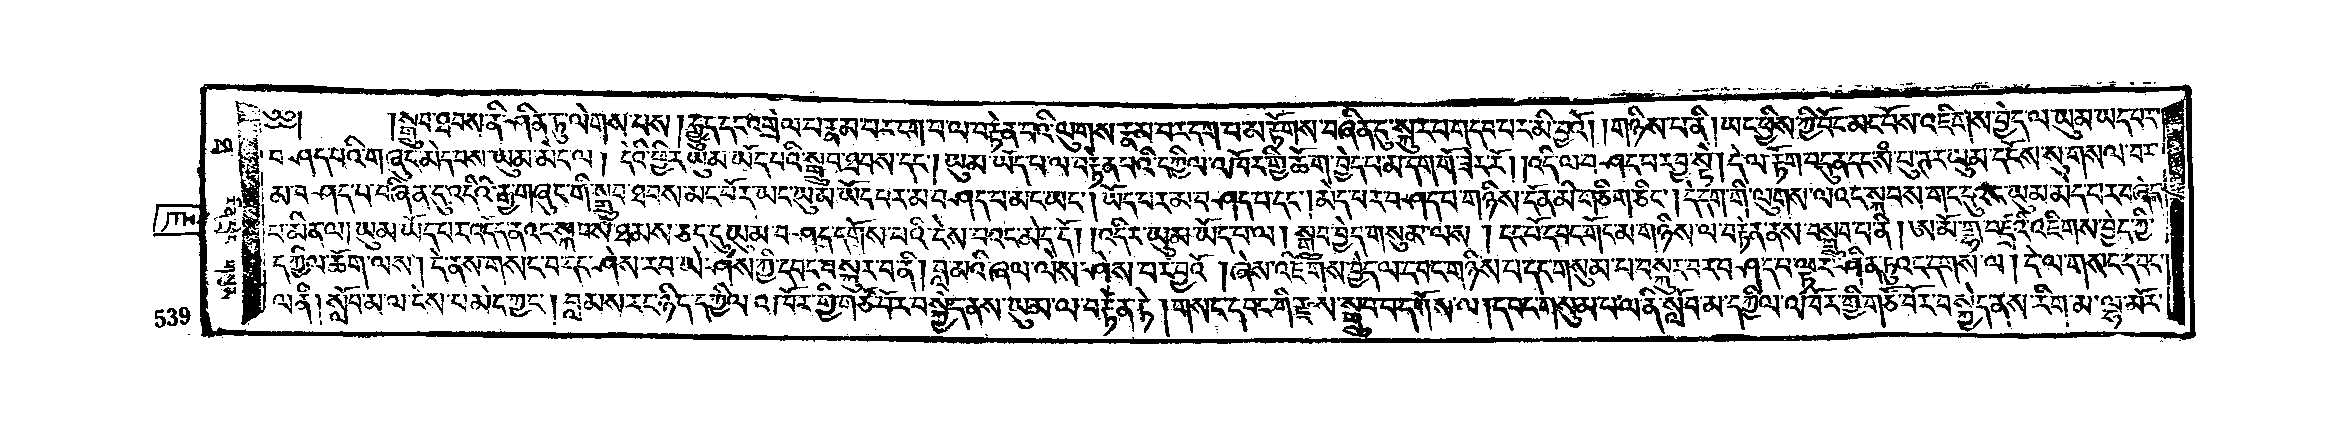༄༅། །སྒྲུབ་ཐབས་ནི་ཤིན་ཏུ་ལེགས་པས། རྒྱུད་དང་འགྲེལ་པ་རྣམ་པར་དག་པ་ལ་བརྟེན་པའི་ལུགས་རྣམ་པར་དག་པ་མ་རྟོགས་བཞིན་དུ་སྐུར་བ་གདབ་པར་མི་བྱའོ། །གཉིས་པ་ནི། ཡང་ཕྱིས་ཀྱི་བོང་?་མང་པོས་འཇིགས་བྱེད་ལ་ཡུམ་ཡོད་པར་
བཤད་པའི་གཞུང་མེད་པས་ཡུམ་མེད་ལ། དེའི་ཕྱིར་ཡུམ་ཡོད་པའི་སྒྲུབ་ཐབས་དང་། ཡུམ་ཡོད་པ་ལ་བརྟེན་པའི་དཀྱིལ་འཁོར་གྱི་ཆོ་ག་བྱེད་པ་མ་དག་གོ་ཟེར་རོ། །འདི་ལ་བཤད་པར་བྱ་སྟེ། དེ་ལ་རྟོག་བདུན་དང་སཾ་པུ་ཊར་ཡུམ་དངོས་སུ་གསལ་བར་
མ་བཤད་པ་བཞིན་དུ་འདིའི་རྒྱ་གཞུང་གི་སྒྲུབ་ཐབས་མང་པོར་ཡང་ཡུམ་ཡོད་པར་མ་བཤད་པ་མང་ཡང་། ཡོད་པར་མ་བཤད་པ་དང་། མེད་པར་བཤད་པ་གཉིས་དོན་མི་གཅིག་ཅིང་། དེ་དག་གི་ལུགས་ལའང་སྐབས་གང་དུའང་ཡུམ་མེད་པར་བཞེད་
པ་མིན་ལ། ཡུམ་ཡོད་པར་འདོད་ནའང་སྐབས་ཐམས་ཅད་དུ་ཡུམ་བཤད་དགོས་པའི་ངེས་པའང་མེད་དོ། །འདིར་ཡུམ་ཡོད་པ་ལ། སྒྲུབ་བྱེད་གསུམ་ལས། དང་པོ་དབང་གོང་མ་གཉིས་ལ་བརྟེན་ནས་བསྒྲུབ་པ་ནི། ཨ་མོ་གྷ་བཛྲའི་འཇིགས་བྱེད་ཀྱི་
དཀྱིལ་ཆོག་ལས། དེ་ནས་གསང་བ་དང་ཤེས་རབ་ཡེ་ཤེས་ཀྱི་དབང་བསྐུར་བ་ནི། བླ་མའི་ཞལ་ལས་ཤེས་པར་བྱའོ། ཞེས་འཇིགས་བྱེད་ལ་དབང་གཉིས་པ་དང་གསུམ་པ་བསྐུར་བར་བཤད་པ་ལྟར་ཤིན་ཏུའང་དགས་ལ། དེ་ལ་གསང་དབང་
ལ་ནི། སློབ་མ་ལ་ངེས་པ་མེད་ཀྱང་། བླ་མས་རང་ཉིད་དཀྱིལ་འཁོར་གྱི་གཙོ་བོར་བསྐྱེད་ནས་ཡུམ་ལ་བརྟེན་ཏེ། གསང་དབང་གི་རྫས་སྒྲུབ་པ་དགོས་ལ། དབང་གསུམ་པ་ལ་ནི་སློབ་མ་དཀྱིལ་འཁོར་གྱི་གཙོ་བོར་བསྐྱེད་ནས་རིག་མ་ལྷ་མོར་